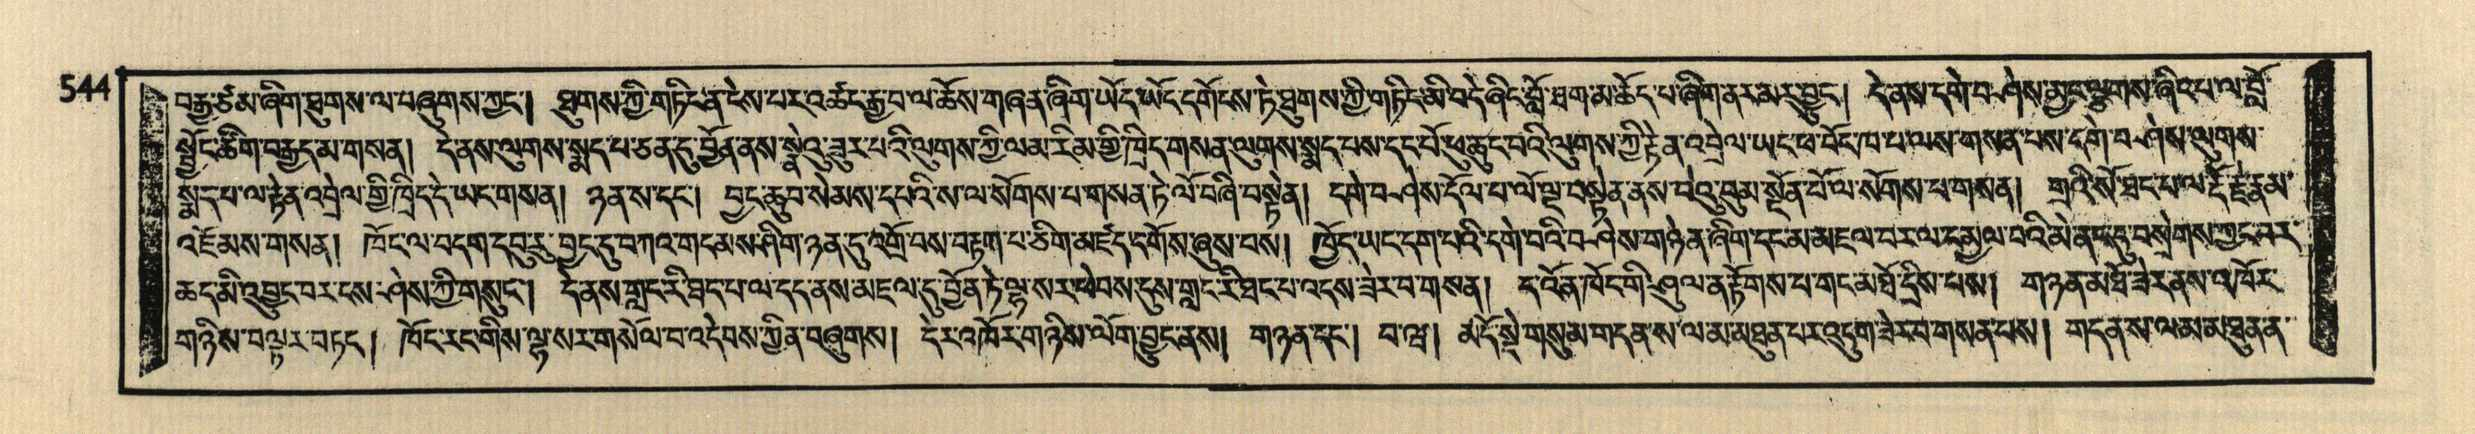བརྒྱ་ཙམ་ཞིག་ཐུགས་ལ་བཞུགས་ཀྱང་། ཐུགས་ཀྱི་གཏིང་ན་ངེས་པར་འཚང་རྒྱ་བ་ལ་ཆོས་གཞན་ཞིག་ཡོད་ཡོང་དགོངས་ཏེ་ཐུགས་ཀྱི་གཏིང་མི་བདེ་ཞིང་བློ་ཐག་མ་ཆོད་པ་ཞིག་ནར་མར་བྱུང་། དེ་ནས་དགེ་བཤེས་མྱང་ལྕགས་ཞིང་པ་ལ་བློ་
སྦྱོང་ཚིག་བརྒྱད་མ་གསན། དེ་ནས་ལུགས་སྨད་པ་ཅན་དུ་བྱོན་ནས་སྣེའུ་ཟུར་པའི་ལུགས་ཀྱི་ལམ་རིམ་གྱི་ཁྲིད་གསན་ལུགས་སྨད་པས་དང་པོ་ཕུ་ཆུང་བའི་ལུགས་ཀྱི་རྟེན་འབྲེལ་ཡང་ཕ་བོང་ཁ་པ་ལས་གསན་པས་དགེ་བཤེས་ལུགས་
སྨད་པ་ལ་རྟེན་འབྲེལ་གྱི་ཁྲིད་དེ་ཡང་གསན། ཉན་ས་དང་། བྱང་ཆུབ་སེམས་དཔའི་ས་ལ་སོགས་པ་གསན་ཏེ་ལོ་བཞི་བསྟེན། དགེ་བཤེས་དོལ་བ་ལོ་ལྔ་བསྟེན་ནས་བེའུ་བུམ་སྔོན་པོ་ལ་སོགས་པ་གསན། གྲའི་སོ་ཐང་པ་ལ་རྡོ་རྗེ་རྣམ་
འཇོམས་གསན། ཁོང་ལ་བདག་དབུ་རུ་བྱང་དུ་བཀའ་གདམས་ཤིག་ཉན་དུ་འགྲོ་བས་བརྟག་པ་ཅིག་མཛད་དགོས་ཞུས་པས། ཁྱོད་ཡང་དག་པའི་དགེ་བའི་བཤེས་གཉེན་ཞིག་དང་མ་མཇལ་བར་ལ་དམྱལ་བའི་མེ་ནང་དུ་བསྲེགས་ཀྱང་བར་
ཆད་མི་འབྱུང་བར་ངས་ཤེས་ཀྱི་གསུང་། དེ་ནས་གླང་རི་ཐད་པ་ལ་དད་ནས་མཇལ་དུ་བྱོན་ཏེ་ལྷ་སར་ཕེབས་དུས་གླང་རི་ཐང་པ་འདས་ཟེར་བ་གསན། ད་འོ་ན་ཁོང་གི་ཤུལ་ན་རྟོགས་པ་གང་མཐོ་དྲིས་པས། གཉན་མཐོ་ཟེར་ནས་འཁོར་
གཉིས་བལྟར་བཏང་། ཁོང་རང་གིས་ལྷ་སར་གསོལ་བ་འདེབས་ཀྱིན་བཞུགས། དེར་འཁོར་གཉིས་ལོག་བྱུང་ནས། གཉན་དང་། བ་ཝ། མདོ་སྡེ་གསུམ་གདན་ས་ལ་མ་མཐུན་པར་འདུག་ཟེར་བ་གསན་པས། གདན་ས་ལམ་མཐུན་ན་